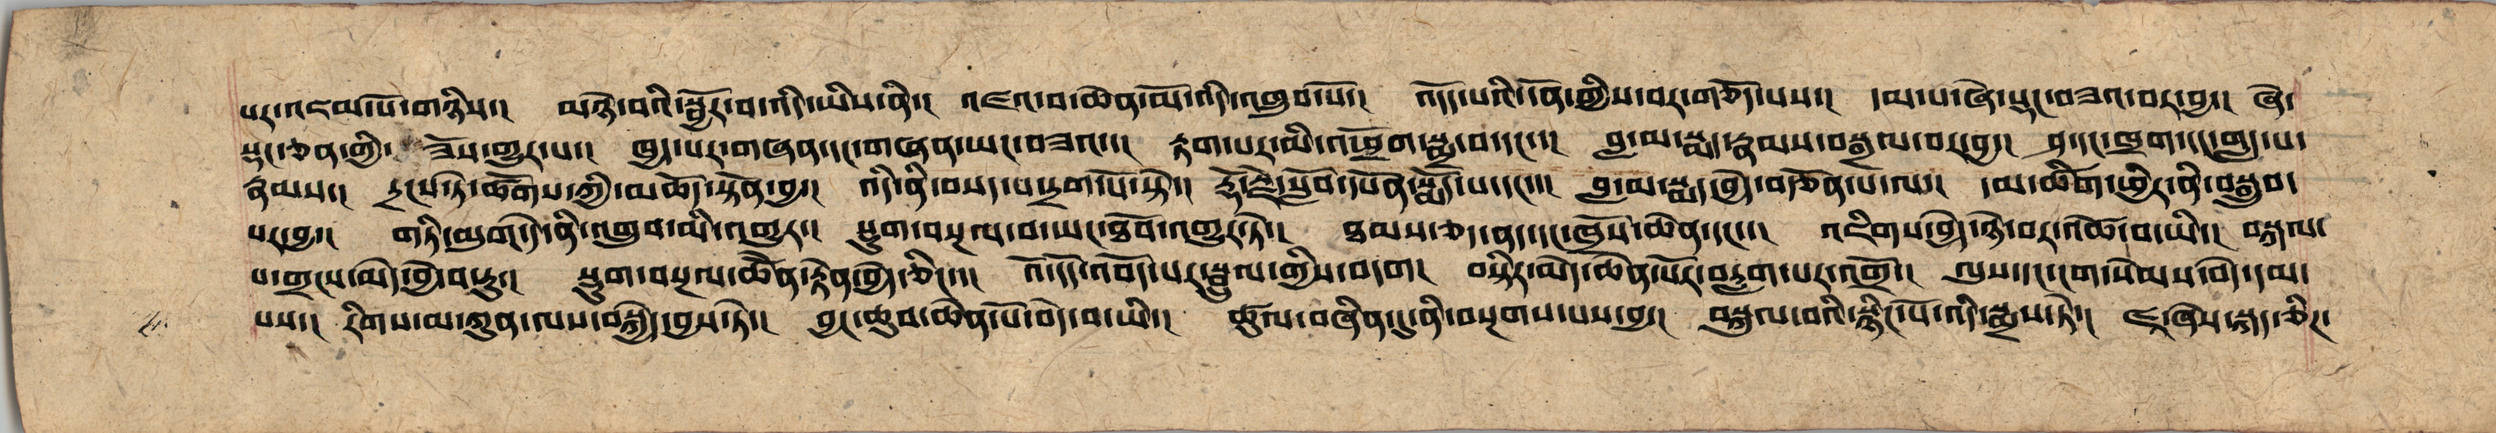པར་འཇམ་པོ་གཉིས་། མཉེ་བའི་སྦྱོར་བ་འདི་ཡིས་ནི་། འཇའ་བ་ཆེན་མོ་འདི་འཁྲུས་སོ་། འདོད་པའི་དོན་གྱིས་བར་གཅོད་པས་། དམ་པ་ཞེ་སྡང་བཟའ་བར་བྱ་། ཞེ་
སྡང་ཅན་གྱི་ ཟོས་གྱུར་པ་། ཁྱད་པར་གཞན་དང་གཞན་ཡང་བཟའ་། རྟག་པར་མི་འཕྲོག་སྨྲ་བ་དང་་། བླ་མ་སྨད་རྣམས་བསྒྲལ་བར་བྱ་། ཤ་དང་ཁྲག་དང་གླད་པ་
རྣམས་། དྲངས་ཏེ་ཚོགས་ཀྱི་མཆོད་སྟོན་བྱ་། འདི་ནི་བསད་པ་དྲག་པོ་སྟེ་། རྡོ་རྗེ་སློབ་དཔོན་སྨོད་པ་དང་་། བླ་མ་སྨད་བྱེད་བརྩོན་པ་ལ་། དམ་ཚིག་ཕྱིར་ནི་བསྒྲུབ་
པར་བྱ་། གཏི་མུག་དེ་ནི་འགྲུབ་མི་འགྱུར་། སྡུག་བསྔལ་བ་ཡང་ཐོབ་འགྱུར་ཏེ་། ཐམས་ཅད་ནད་དང་ཁྲོས་ཆེན་དང་་། འཇིགས་བྱེད་ཉེ་བར་འཚེ་བ་ཡི་། བསྐལ་
པ་གྲངས་མེད་བྱེ་བ་རུ་། སྡུག་བསྔལ་ཆེནོ་རྟེན་བྱེད་ཅིང་་། འོ་དོད་འབོད་པར་སྦྲུལ་གྱིས་བདག་། བསྟིར་མེད་ཆེན་པོར་བརླག་པར་འགྲོ་། ལུས་དང་ངག་སེམས་བདེ་དམ་
པས་། རིགས་མ་ཀུན་ལས་བསྐྱེད་བྱས་ཏེ་། བྱང་ཆུབ་ཆེན་པོ་བདེ་བ་ཡི་། ཚུལ་བཞིན་དུ་ནི་བསྔགས་པས་བྱ་། བསྐུལ་བའི་སྙིང་པོ་འདི་སྨྲས་ཏེ་། ཛཱ་ཞེས་སྐད་ཅིཌ་